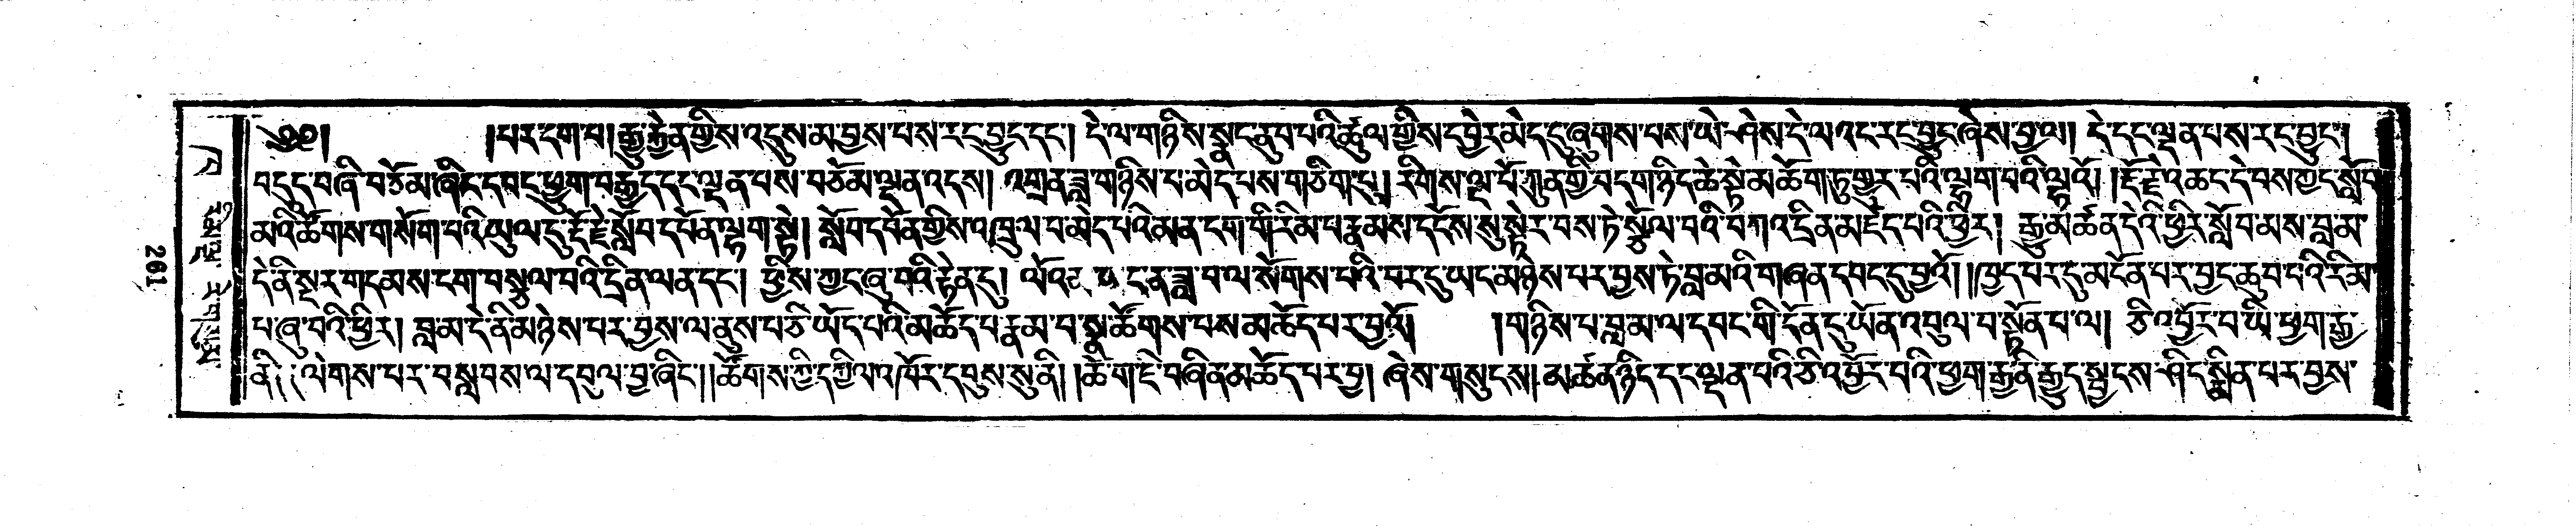༄༅། །པར་དག་པ། རྒྱུ་རྐྱེན་གྱིས་འདུས་མ་བྱས་པས་རང་བྱུང་དང་། དེ་ལ་གཉིས་སྣང་ནུབ་པའི་ཚུལ་གྱིས་དབྱེར་མེད་དུ་ཞུགས་པས་ཡེ་ཤེས་དེ་ལའང་རང་བྱུང་ཞེས་བྱ་ལ། དེ་དང་ལྡན་པས་རང་བྱུང་།
བདུད་བཞི་བཅོམ་ཞིང་དབང་ཕྱུག་བརྒྱད་དང་ལྡན་པས་བཅོམ་ལྡན་འདས། འགྲན་ཟླ་གཉིས་པ་མེད་པས་གཅིག་པུ། རིགས་ལྔ་པོ་ཀུན་གྱིས་དག་ཉིད་ཆེ་སྟེ་མཆོག་ཏུ་གྱུར་པའི་ལྷག་པའི་ལྷའོ། །རྡོ་རྗེ་འཆང་དེ་བས་ཀྱང་སློབ་
མའི་ཚོགས་གསོག་པའི་ཡུལ་དུ་རྡོ་རྗེ་སློབ་དཔོན་ལྷག་སྟེ། སློབ་དཔོན་གྱིས་འཁྲུལ་བ་མེད་པའི་མན་ངག་གི་རིམ་པ་རྣམས་དངོས་སུ་སྟེར་བས་ཏེ་སྩོལ་བའི་བཀའ་དྲིན་མཛད་པའི་ཕྱིར། རྒྱུ་མཚན་དེའི་ཕྱིར་སློབ་མས་བླ་མ་
དེ་ནི་སྔར་གདམས་ངག་བསྩལ་བའི་དྲིན་ལན་དང་། ཕྱིས་ཀྱང་ཞུ་བའི་རྟེན་དུ། ལོའམ་ཡང་ན་ཟླ་བ་ལ་སོགས་པའི་བར་དུ་ཡང་མཉེས་པར་བྱས་ཏེ་བླ་མའི་གཞན་དབང་དུ་བྱའོ། །ཁྱད་པར་དུ་མངོན་པར་བྱང་ཆུབ་པའི་རིམ་
པ་ཞུ་བའི་ཕྱིར། བླ་མ་དེ་ནི་མཉེས་པར་བྱས་ལ་ནུས་པ་ཅི་ཡོད་པའི་མཆོད་པ་རྣམ་པ་སྣ་ཚོགས་པས་མཆོད་པར་བྱའོ། །གཉིས་པ་བླ་མ་ལ་དབང་གི་དོན་དུ་ཡོན་འབུལ་བ་སྟོན་པ་ལ། ཅི་འབྱོར་པ་ཡི་ཕྱག་རྒྱ་
ནི། །ལེགས་པར་བསླབས་ལ་དབུལ་བྱ་ཞིང་། །ཚོགས་ཀྱི་དཀྱིལ་འཁོར་དབུས་སུ་ནི། །ཆོ་ག་ཇི་བཞིན་མཆོད་པར་བྱ། ཞེས་གསུངས། མཚན་ཉིད་དང་ལྡན་པའི་ཅི་འབྱོར་བའི་ཕྱག་རྒྱ་ནི་རྒྱུད་སྤྱངས་ཤིང་སྨིན་པར་བྱས་